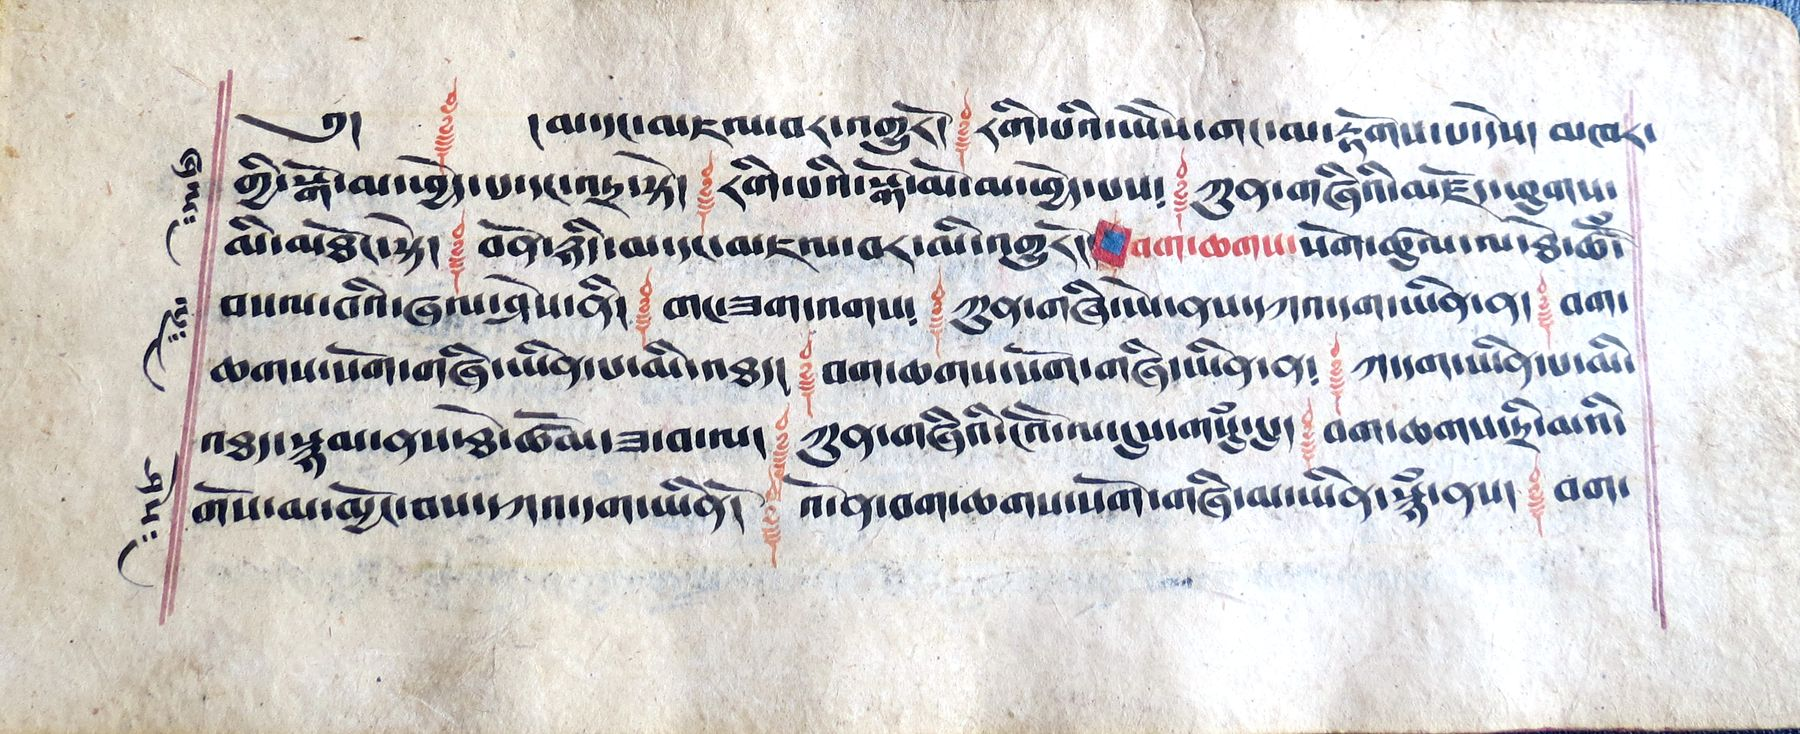མ་དང་མཇལ་བར་འགྱུར་རོ། ། རིག་པའི་ཡེ་ཤེས་གང་མ་རྟོགས་པ་དེས། མཁར་
གྱི་སྒོ་མ་ཕྱེད་པ་དང་འདྲ་སྟེ། རིག་པའི་སྒོ་མ་ཕྱེད་པས་ཀུན་གཞིའི་མཛོད་ཕུགས་
མི་མཐོང་ཞིང་། བོན་ཉིད་མ་དང་མཇལ་བར་མི་འགྱུར་རོ། ། བག་ཆགས་སོག་ཚུལ་ལ་ཐེ་ཚོམ་
བསལ་བའི་ཞལ་ཤེས་ནི། གང་ཟག་འགས་ཀུན་གཞི་ཡེ་ནས་ཀ་དག་ཡིན་ན། བག་
ཆགས་སོགས་གཞི་ཡིན་པར་མི་འཐད། བག་ཆགས་སོག་གཞི་ཡིན་ན། ཀ་དག་ཡིན་པར་མི་
འཐད་སྙམ་ནས་ཐེ་ཚོམ་ཟ་བ་ལ། ཀུན་གཞིའི་ངོ་བོ་དུས་གསུམ་དུ་བག་ཆགས་ཀྱི་དྲི་མའི་
གོས་མ་མྱོང་པས་ཀ་དག་ཡིན་ནོ། ། འོ་ན་བག་ཆགས་ཀྱི་སོག་གཞི་མ་ཡིན་ནམ་སྙམ་ན། བག་